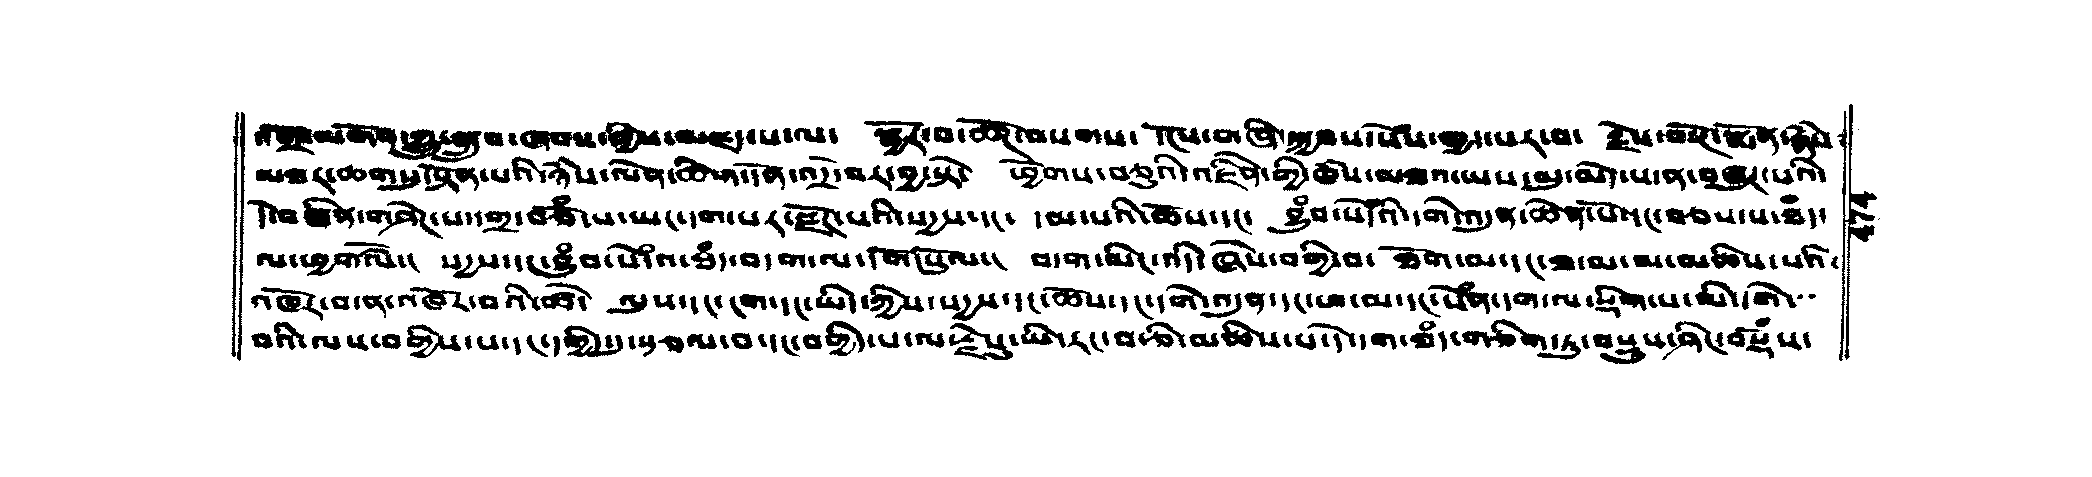འགྲོ་མགོན་ཀླུ་གྲུབ་ཞབས་ཀྱིས་མཛད་པ་ལ། སྦྱོར་བ་ཚོགས་བསགས། དངོས་གཞི་སྐྱབས་སེམས་ཁྱད་པར་བ། རྗེས་བསྔོ་སྨོན་རྣམས་
མཐར་ཆགས་སུ་སྟོན་པའི་ཉམས་ལེན་ཚིག་དོན་འདྲེ་བར་བྱ་སྟེ། ཕྱོགས་བཅུའི་འཇིག་རྟེན་གྱི་ཁམས་མཐའ་ཡས་མུ་མེད་པ་ན་བཞུགས་པའི་
བདེ་བཞིན་བཤེགས་པ་དགྲ་བཅོམ་པ་ཡང་དག་པར་རྫོགས་པའི་སངས་རྒྱས་དང་། དམ་པའི་ཆོས་དང་། བྱང་ཆུབ་སེམས་དཔའི་དགེ་འདུན་ཆེན་་པོ་དང་བཅས་པ་ཐམས་ཅད་
ལ་ཕྱག་འཚལ་ལོ།སངས་རྒྱས་དང་བྱང་ཆུབ་སེམས་དཔའ་ཐམས་ཅད་བདག་ལ་དགོངས་སུ་གསོལ། བདག་མིང་འདི་ཞེས་བགྱི་བ་ཐོག་མ་དང་ཐ་མ་མཆིས་པའི་
འཁོར་བ་ན་འཁོར་བའི་ཚེ། ལུས་དང་ངག་དང་ཡིད་ཀྱིས་སངས་རྒྱས་དང་ཆོས་དང་དགེ་འདུན་དང་ཕ་མ་དང་སེམས་ཅན་དག་ལ་སྡིག་པ་མི་དགེ་
བའི་ལས་བགྱིས་པ་དང་བགྱིད་དུ་སྩལ་བ་དང་བགྱིད་པ་ལ་རྗེས་སུ་ཡི་རང་བ་ཅི་མཆིས་པ་དེ་དག་ཐམས་ཅད་གཅིག་ཏུ་བསྡུས་ཤིང་བསྡོམས་